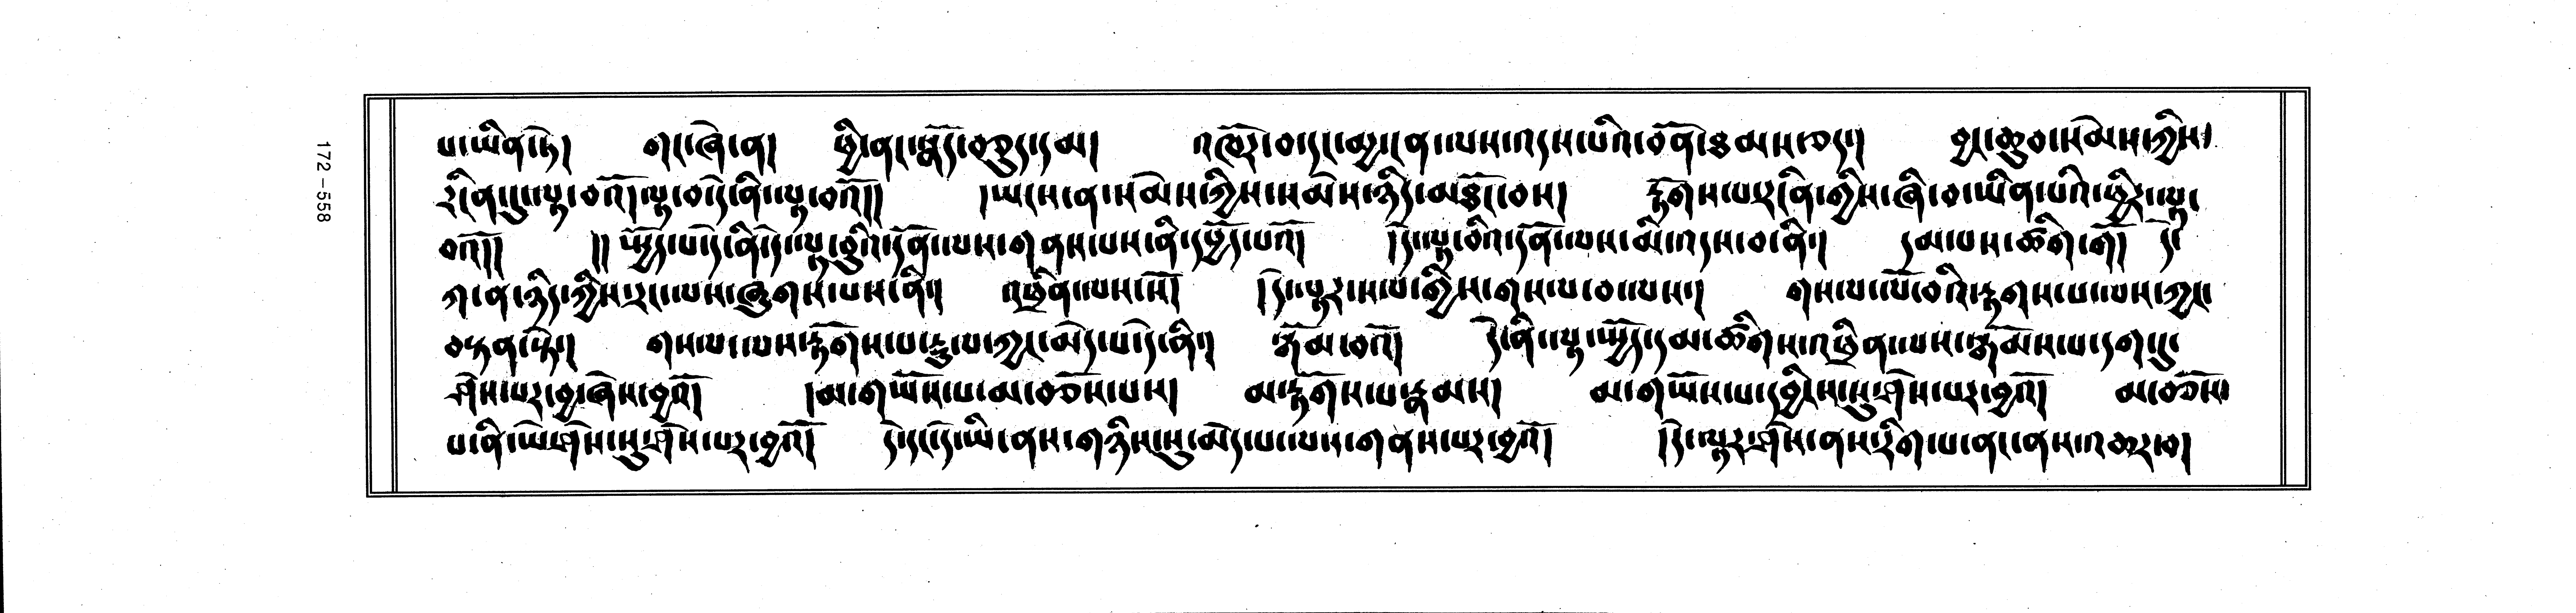པ་ཡིན་ཏེ། གང་ཞེ་ན། ཕྱི་ནང་སྣོད་བཅུད་དམ། འཁོར་བ་དང་མྱ་ངན་ལས་འདས་པའི་བོན་ཐམས་ཅད། བྱང་ཆུབ་སེམས་ཀྱིས་
རང་བཞིན་དུ་ལྟ་བའོ། ལྟ་བ་དེ་ནི་ལྟ་བའོ། ཡང་ན་སེམས་ཀྱིས་སེམས་ཉིད་མཐོང་བས། རྟོགས་པར་རང་བཞིན་གྱིས་ཞི་བ་ཡིན་པའི་ཕྱིར་ལྟ་
བའོ། སྤྱོད་པ་དེ་ནི་དེ་ལྟ་བུའི་དོན་ལས་གནས་པས་ནི་དཔྱོད་པའོ། དེ་ལྟ་བའི་དོན་ལས་མི་འདས་བ་ནི། དམ་པས་ཚིགས་གོ། དེ་
ཀ་ན་ཉིད་ཀྱིས་རང་ལས་ཞུགས་པས་ནི། འཕྲིན་ལས་སོ། དེ་ལྟར་སལ་གྱིས་གསལ་བ་ལས། གསལ་ལོ་བའི་རྟོགས་པ་ལས་ཀྱང་
བསྟན་སྟེ། གསལ་ལས་རྟོགས་པ་རྡུལ་ཀྱང་མེད་པ་དེ་ནི། སྒོམ་བའོ། དེ་ནི་ལྟ་སྤྱོད་དམ་ཚིགས་འཕྲིན་ལས་སྒོམས་པ་དག་དུ་
ཤེས་པར་བྱ་ཞེས་བྱའོ། མ་གཡོས་པ་མ་བཅོས་པས། མ་རྟོགས་པ་རྣམས། མ་གཡོས་པ་དབྱིངས་སུ་ཤེས་པར་བྱའོ། མ་བཅོས་
པ་ནི་ཡེ་ཤེས་སུ་ཤེས་པར་བྱའོ། དེ་དང་དེ་ཡི་ནས་གཉིས་སུ་མེད་པ་ལས་གནས་པར་བྱའོ། དེ་ལྟར་ཤེས་ནས་རིག་པ་ནང་ནས་འཆར་བ།